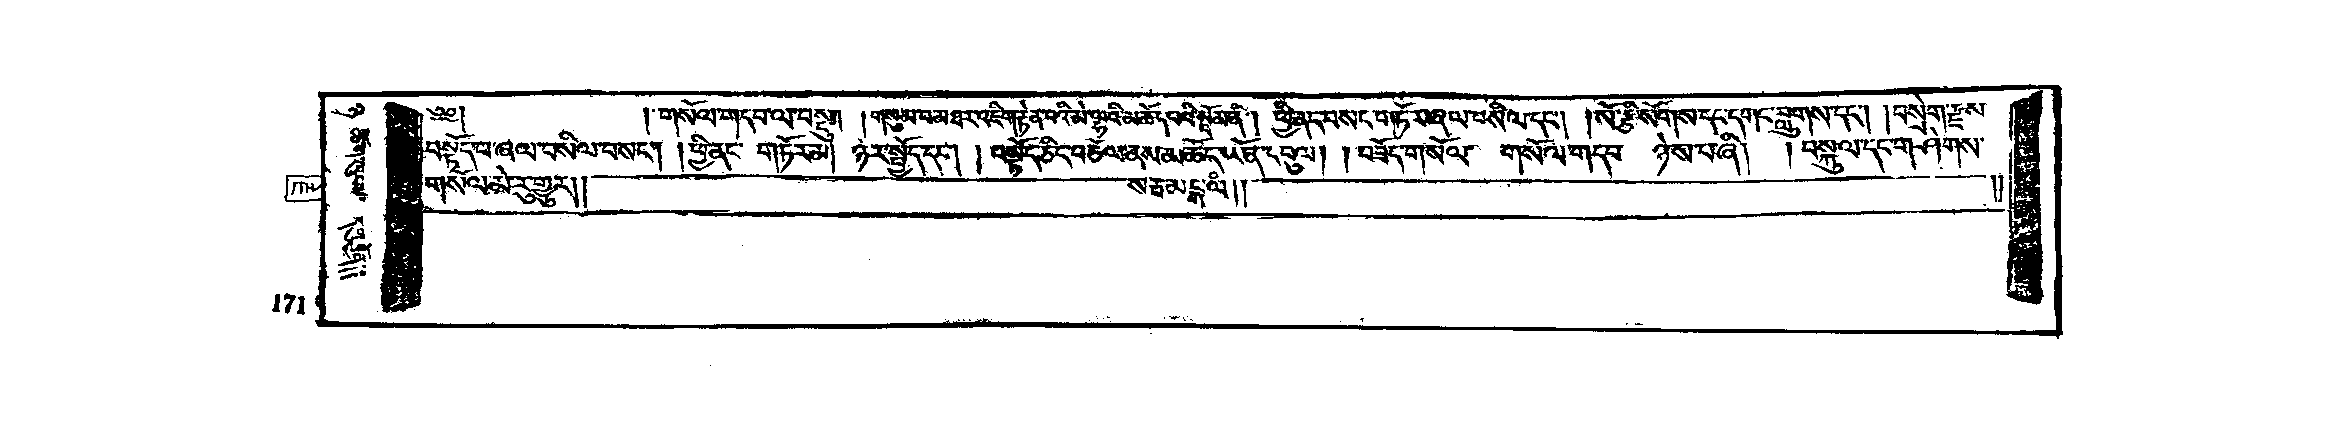༄༅། །གསོལ་གདབ་ལ་བསྡུ། ། གསུམ་པ་མཐར་འཇིག་རྟེན་པའི་མེ་ལྷའི་མཆོད་པའི་སྡོམ་ནི།  ཕྱི་ནང་བསང་གཏོར་ཞལ་བསིལ་དང་། །སོ་རྩི་སོགས་དང་དགང་བླུགས་དང་། །བསྲེག་རྫས་
བསྟོད་པ་ཞལ་བསིལ་བསང་། །ཕྱི་ནང་གཏོར་མ་ཉེར་སྤྱོད་དང་། །བསྟོད་ཅིང་བཅོལ་ནས་མཆོད་ཡོན་དབུལ། །བཟོད་གསོལ་གསོལ་གདབ་ཉེས་པ་ཞི། །བསྐུལ་དང་གཤེགས་
གསོལ་མེ་རུ་གྱུར།། སརྦ་མངྒ་ལཾ།། །།